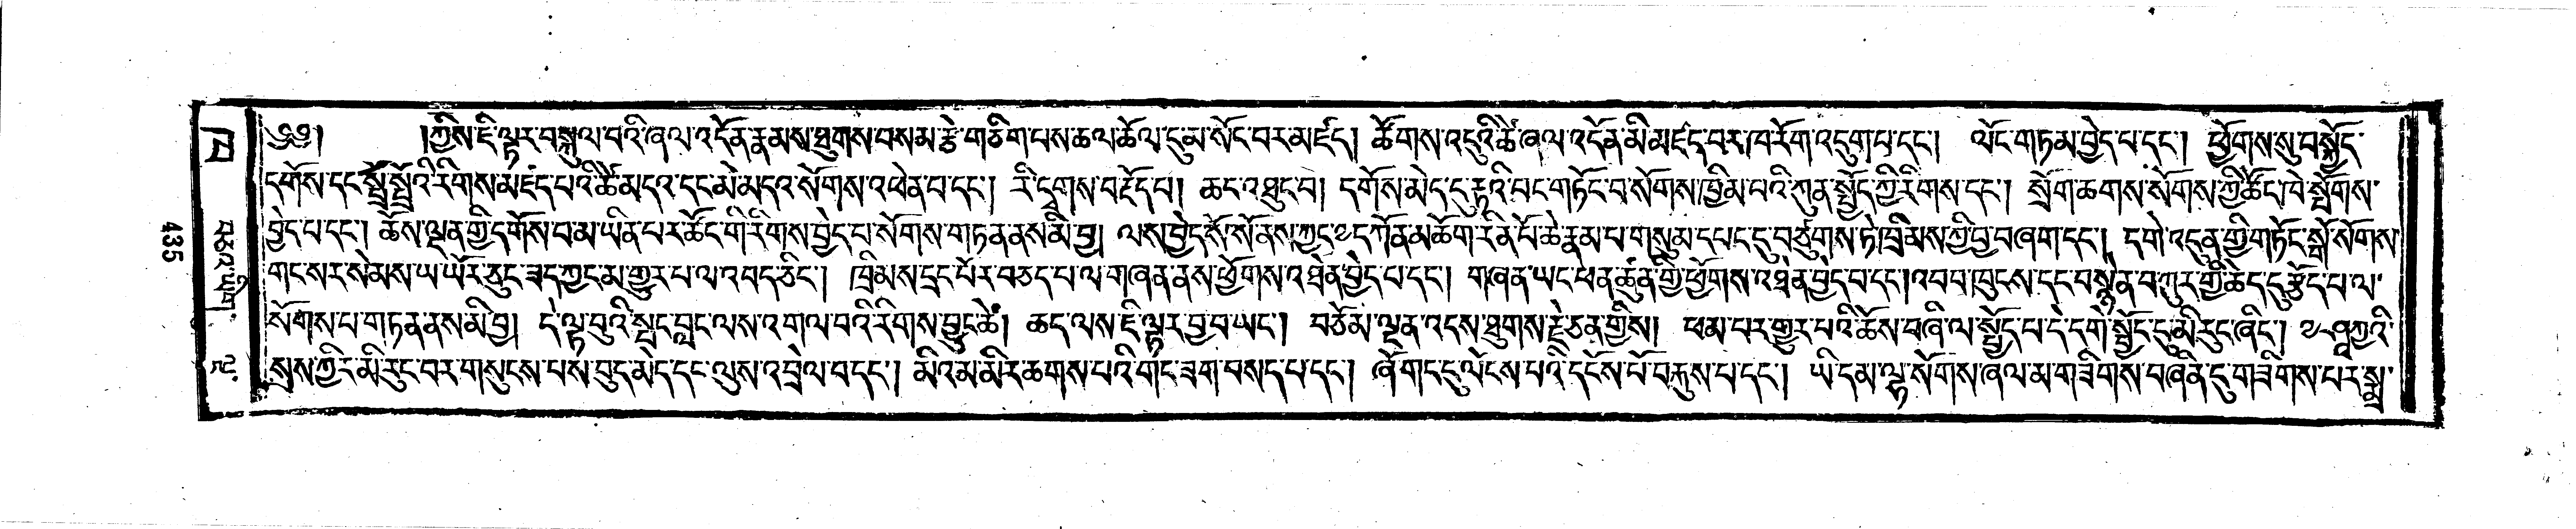༄༅། །ཀྱིས་ཇི་ལྟར་བསྐུལ་བའི་ཞལ་འདོན་རྣམས་ཐུགས་བསམ་རྩེ་གཅིག་པས་ཆལ་ཆོལ་དུ་མ་སོང་བར་མཛད། ཚོགས་འདུའི་ཚེ་ཞལ་འདོན་མི་མཛད་བར་ཁ་རོག་འདུག་པ་དང་། ལོང་ཏམ་བྱེད་པ་དང་། ཕྱོགས་སུ་བསྐྱོད་
དགོས་དང་སྤྲོ་སྤྲོའི་རིགས་མཛད་པའི་ཚེ་མདའ་དང་མེ་མདའ་སོགས་འཕེན་པ་དང་། རི་དྭགས་བརྔོད་པ། ཆང་འཐུང་བ། དགོས་མེད་དུ་རྟའི་པང་གཏོང་བ་སོགས་ཁྱིམ་པའི་ཀུན་སྤྱོད་ཀྱི་རིགས་དང་། སྲོག་ཆགས་སོགས་ཀྱི་ཚོང་ཁེ་སྤོགས་
བྱེད་པ་དང་། ཆོས་ལྡན་གྱི་དགོས་པ་མ་ཡིན་པར་ཚོང་གི་རིགས་བྱེད་པ་སོགས་གཏན་ནས་མི་བྱ། ལས་བྱེད་སོ་སོ་ནས་ཀྱང་༧་དཀོན་མཆོག་རིན་པོ་ཆེ་རྣམ་པ་གསུམ་དཔང་དུ་བཙུགས་ཏེ་ཁྲིམས་ཀྱི་བྱ་བཞག་དང་། དགེ་འདུན་གྱི་གཏོང་སྒོ་སོགས་
གང་སར་སེམས་ཡ་ཡོར་ཅུང་ཟད་ཀྱང་མ་གྱུར་པ་ལ་འབད་ཅིང་། ཁྲིམས་དྲང་པོར་བཅད་པ་ལ་གཞན་ནས་ཕྱོགས་འཐེན་བྱེད་པ་དང་། གཞན་ཡང་ཕན་ཚུན་གྱི་ཕྱོགས་འཐེན་བྱེད་པ་དང་། འབབ་ཁུངས་དང་བསྙེན་བཀུར་གྱི་ཆེད་དུ་རྩོད་པ་ལ་
སོགས་པ་གཏན་ནས་མི་བྱ། །དེ་ལྟ་བུའི་སྤང་བླང་ལས་འགལ་བའི་རིགས་བྱུང་ཚེ། ཆད་ལས་ཇི་ལྟར་བྱ་བ་ཡང་། བཅོམ་ལྡན་འདས་ཐུགས་རྗེ་ཅན་གྱིས། ཕམ་པར་གྱུར་བའི་ཆོས་བཞི་ལ་སྤྱོད་པ་དེ་དགེ་སྦྱོང་དུ་མི་རུང་ཞིང་། ༧་ཤཱཀྱའི་
སྲས་ཀྱི་ར་མི་རུང་བར་གསུངས་པས་བུད་མེད་དང་ལུས་འབྲེལ་བ་དང་། མིའམ་མིར་ཆགས་པའི་གང་ཟག་བསད་པ་དང་། ཞོ་གང་དུ་ལོངས་པའི་དངོས་པོ་བརྐུས་པ་དང་། ཡི་དམ་ལྷ་སོགས་ཞལ་མ་གཟིགས་བཞིན་དུ་གཟིགས་པར་སྨྲ་